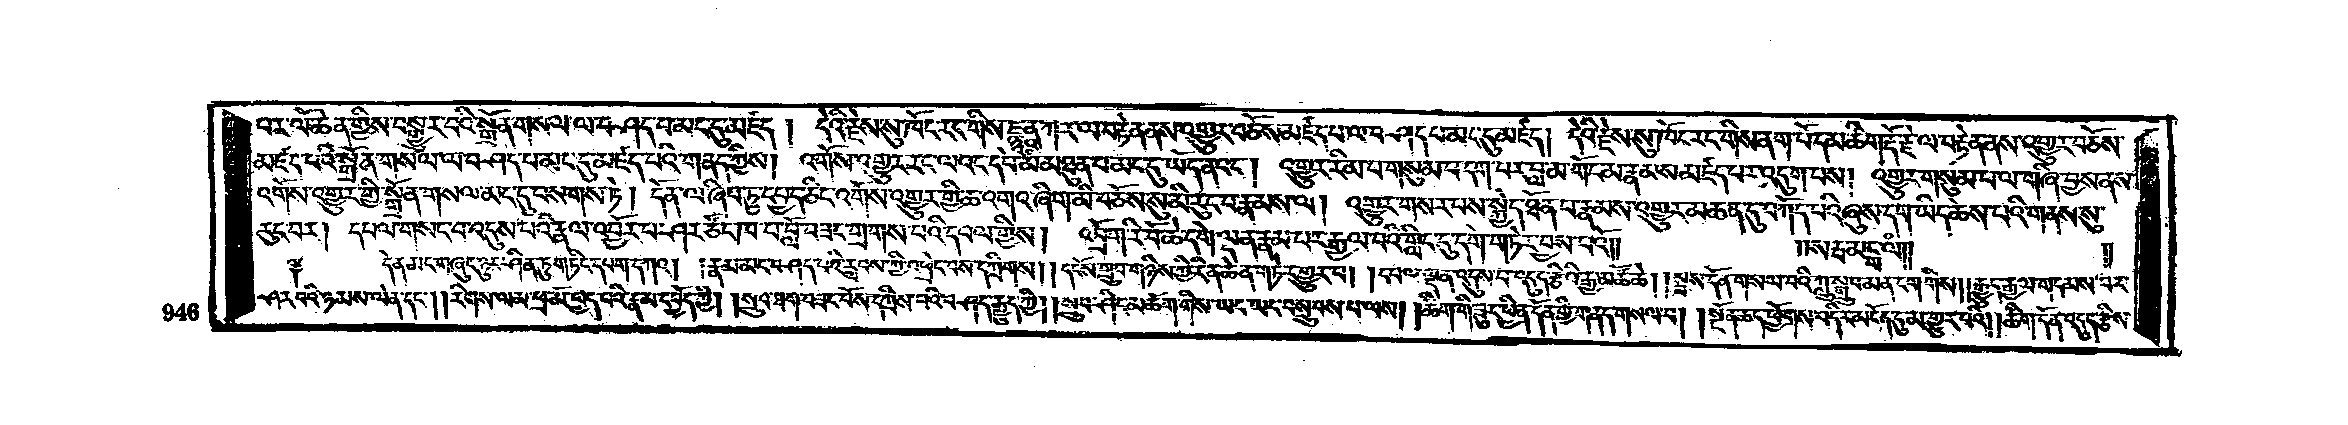བོར་ལོ་ཆེན་གྱིས་བསྒྱུར་བའི་སྒྲོན་གསལ་ལ་བཤད་པ་མང་དུ་མཛད། དེའི་རྗེས་སུ་ཁོང་རང་གིས་ཛྙཱ་ནཱ་ཀ་ར་ལ་བརྟེན་ནས་འགྱུར་བཅོས་མཛད་པ་ལ་བཤད་པ་མང་དུ་མཛད། དེའི་རྗེས་སུ་ཁོང་རང་གིས་ནག་པོ་དམ་ཚིག་རྡོ་རྗེ་ལ་བརྟེན་ནས་འགྱུར་བཅོས་
མཛད་པའི་སྒྲོན་གསལ་ལ་བཤད་པ་མང་དུ་མཛད་པའི་གནད་ཀྱིས། འགོས་འགྱུར་རང་ལའང་དཔེ་མི་མཐུན་པ་མང་དུ་ཡོད་ནའང་། འགྱུར་རིམ་པ་གསུམ་པ་དག་པར་བླ་མ་གོང་མ་རྣམས་མཛད་པར་འདུག་པས། འགྱུར་གསུམ་པ་ལ་གཞི་བྱས་ནས་
འགོས་འགྱུར་གྱི་སྒྲོན་གསལ་མང་དུ་བསགས་ཏེ། དོན་ལ་ཞིབ་ཏུ་དཔྱད་ཅིང་འགོས་འགྱུར་གྱི་ཆ་འགའ་ཞིག་མི་བཅོས་སུ་མི་རུང་བ་རྣམས་ལ། འགྱུར་གསར་པས་སྐྱེད་ཐོན་པ་རྣམས་འགྱུར་མཚན་དུ་བཀོད་པའི་ཞུས་དག་ཡིད་ཆེས་པའི་གནས་སུ་
རུང་བར། དཔལ་གསང་བ་འདུས་པའི་རྣལ་འབྱོར་པ་ཤར་ཙོང་ཁ་པ་བློ་བཟང་གྲགས་པའི་དཔལ་གྱིས། འབྲོག་རི་བོ་ཆེ་དགེ་ལྡན་རྣམ་པར་རྒྱལ་བའི་གླིང་དུ་དག་གཏེར་བྱས་པའོ།། །།སརྦ་མདག་ལཾ།། །།
༈ དོན་མང་གཞུང་ཉུང་ཤིན་ཏུ་གཏིང་དཔག་དཀའ། །རྣམ་མང་བཤད་པའི་རླབས་ཀྱི་འཕྲེང་བས་དཀྲིགས། །དངོས་གྲུབ་གཉིས་ཀྱི་རིན་ཆེན་གཏེར་གྱུར་པ། །དཔལ་ལྡན་འདུས་པ་བདུད་རྩིའི་རྒྱ་མཚོ་ཆེ། །སྦས་དོན་གསལ་བའི་ཀླུ་སྒྲུབ་མན་ངག་གིས། །རྒྱུད་རྒྱལ་གདམས་པར་
ཤར་བའི་ཉམས་ལེན་དང་། །རིགས་ལམ་ཕྲ་མོ་ཕྱེད་པའི་རྣམ་དཔྱོད་ཀྱི། །སྲུབ་ཐག་བཟང་པོས་དཀྲིས་པའི་བཤད་རྒྱུད་ཀྱི། །གྲུབ་ཤིང་མཆོག་གིས་ཡང་ཡང་བསྲུབས་པ་ལས། །ཚིག་གི་ཟུར་ཕྱིན་དོན་གྱི་གནད་གསལ་བ། །སྔོན་ཆད་ཕྱོགས་འདིར་མངོན་དུ་མ་གྱུར་པའི། །ཚིག་དོན་བདུད་རྩིས་